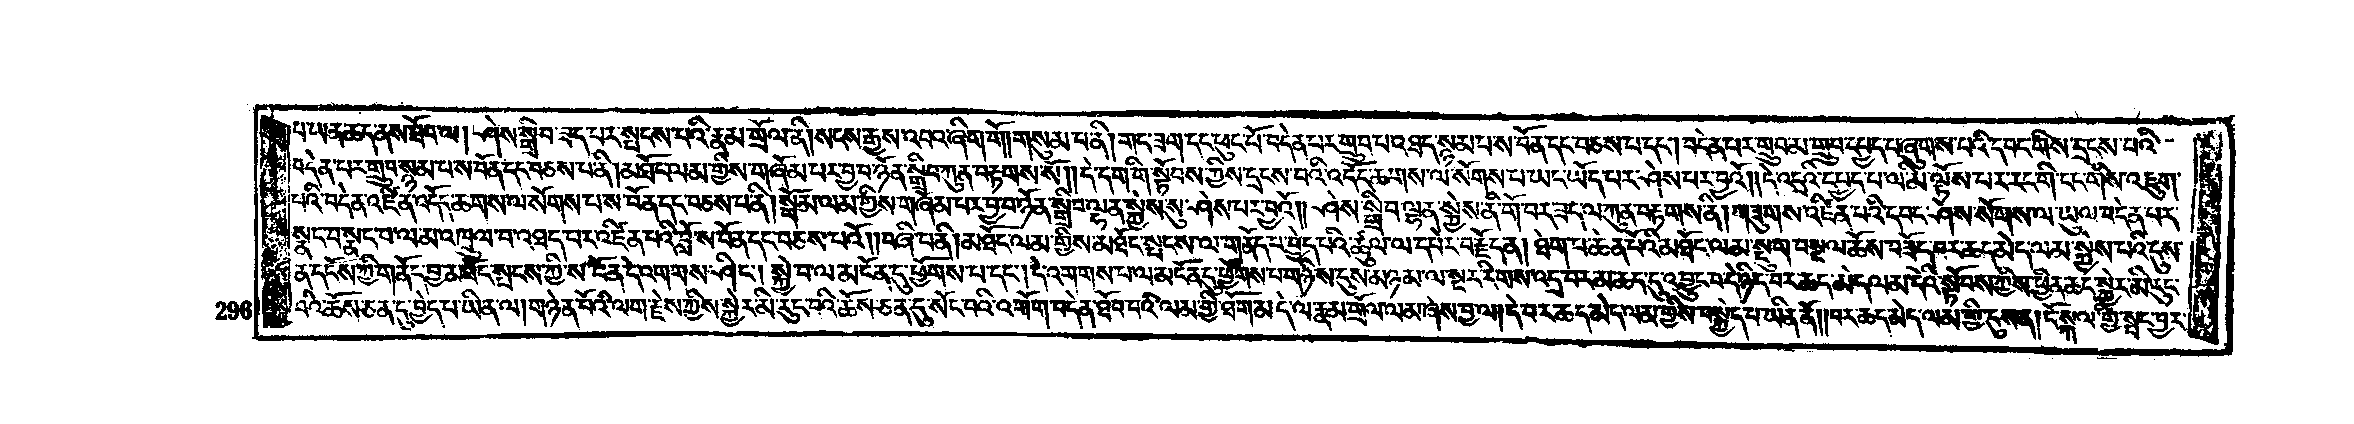པ་ཡན་ཆད་ནས་ཐོབ་ལ། ཤེས་སྒྲིབ་ཟད་པར་སྤངས་པའི་རྣམ་གྲོལ་ནི། སངས་རྒྱས་འབའ་ཞིག་གོ །གསུམ་པ་ནི། གང་ཟག་དང་ཕུང་པོ་བདེན་པར་གྲུབ་པ་འཐད་སྙམ་པ་ས་བོན་དང་བཅས་པ་དང་། བདེན་པར་གྲུབ་མ་གྲུབ་དཔྱད་པ་ཞུགས་པའི་དབང་གིས་དྲངས་པའི་
བདེན་པར་གྲུབ་སྙམ་པ་ས་བོན་དང་བཅས་པ་ནི། མཐོང་ལམ་གྱིས་གཞོམ་པར་བྱ་བ་ཉོན་སྒྲིབ་ཀུན་བརྟགས་སོ། །དེ་དག་གི་སྟོབས་ཀྱིས་དྲངས་པའི་འདོད་ཆགས་ལ་སོགས་པ་ཡང་ཡོད་པར་ཤེས་པར་བྱའོ། །དེ་འདྲའི་དཔྱད་པ་ལ་མི་ལྟོས་པར་རང་གི་ངང་གིས་འཇུག་
པའི་བདེན་འཛིན་འདོད་ཆགས་ལ་སོགས་པ་ས་བོན་དང་བཅས་པ་ནི། སྒོམ་ལམ་གྱིས་གཞོམ་པར་བྱ་བ་ཉོན་སྒྲིབ་ལྷན་སྐྱེས་སུ་ཤེས་པར་བྱའོ། །ཤེས་སྒྲིབ་ལྷན་སྐྱེས་ནི་གོ་བར་ཟད་ལ་ཀུན་བརྟགས་ནི། གཟུགས་འཛིན་པའི་དབང་ཤེས་སོགས་ལ་ཡུལ་བདེན་པར་
སྣང་བ་སྣང་བ་ལ་མ་འཁྲུལ་བ་འཐད་པར་འཛིན་པའི་བློ་ས་བོན་དང་བཅས་པའོ། །བཞི་པ་ནི། མཐོང་ལམ་གྱིས་མཐོང་སྤངས་ལ་གནོད་པ་བྱེད་པའི་ཚུལ་ལ་དཔེར་བརྗོད་ན། ཐེག་པ་ཆེན་པོའི་མཐོང་ལམ་སྡུག་བསྔལ་ཆོས་བཟོད་པར་ཆད་མེད་ལམ་སྐྱེས་པའི་དུས་
ན་དངོས་ཀྱི་གནོད་བྱ་མཐོང་སྤངས་ཀྱི་ས་བོན་དེ་འགགས་ཤིང་། སྐྱེ་བ་ལ་མངོན་དུ་ཕྱོགས་པ་དང་། དེ་འགགས་པ་ལ་མངོན་དུ་ཕྱོགས་པ་གཉིས་དུས་མཉམ་ལ་སྔར་རིགས་འདྲ་བར་མ་ཆད་དུ་འབྱུང་བ་དེ་ཉིད་བར་ཆད་མེད་ལམ་དེའི་སྟོབས་ཀྱིས་ཕྱིན་ཆད་སྐྱེར་མི་རུང་
བའི་ཆོས་ཅན་དུ་བྱེད་པ་ཡིན་ལ། གཉེན་པོའི་ལག་རྗེས་ཀྱིས་སྐྱེར་མི་རུང་བའི་ཆོས་ཅན་དུ་སོང་བའི་འགོག་བདེན་ཐོབ་པའི་ལམ་གྱི་ཐོག་མ་དེ་ལ་རྣམ་གྲོལ་ལམ་ཞེས་བྱ་ལ། དེ་བར་ཆད་མེད་ལམ་གྱིས་བསྐྱེད་པ་ཡིན་ནོ། །བར་ཆད་མེད་ལམ་གྱི་དུས་ན། ངོ་སྐལ་གྱི་སྤང་བྱར་